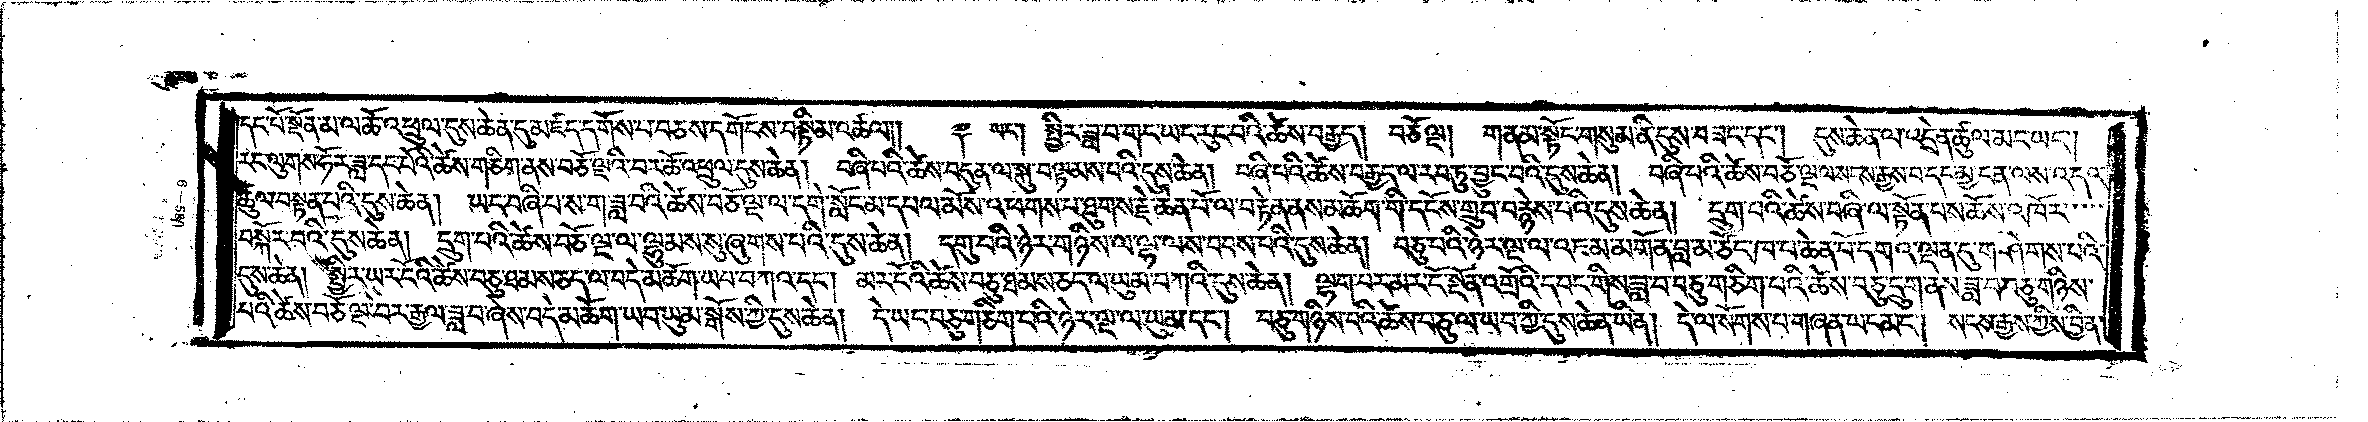དང་པོ་སྔོན་མ་ལ་ཆོ་འཕྲུལ་དུས་ཆེན་དུ་མཛད་དགོས་པ་བཅས་དགོངས་བསྟིམ་འཚལ།། ༈ ཡང་།  སྤྱིར་ཟླ་བ་གང་ཡང་རུང་བའི་ཚེས་བརྒྱད། བཅོ་ལྔ། གནམ་སྟོང་གསུམ་ནི་དུས་བཟང་དང་། དུས་ཆེན་ལ་འདྲེན་ཚུལ་མང་ཡང་།
རང་ལུགས་ཧོར་ཟླ་དང་པོའི་ཚེས་གཅིག་ནས་བཅོ་ལྔའི་བར་ཆོ་འཕྲུལ་དུས་ཆེན། བཞི་པའི་ཚེས་བདུན་ལ་སྐུ་བལྟམས་པའི་དུས་ཆེན། བཞི་པའི་ཚེས་བརྒྱད་ལ་རབ་ཏུ་བྱུང་བའི་དུས་ཆེན། བཞི་པའི་ཚེས་བཅོ་ལྔ་ལ་སངས་རྒྱས་པ་དང་མྱ་ངན་ལས་འདའ་
ཚུལ་བསྟན་པའི་དུས་ཆེན། ཡང་བཞི་པ་ས་ག་ཟླ་བའི་ཚེས་བཅོ་ལྔ་ལ་དགེ་སློང་མ་དཔལ་མོས་འཕགས་པ་ཐུགས་རྗེ་ཆེན་པོ་ལ་བརྟེན་ནས་མཆོག་གི་དངོས་གྲུབ་བརྙེས་པའི་དུས་ཆེན། དྲུག་པའི་ཚེས་བཞི་ལ་སྟོན་པས་ཆོས་འཁོར་
བསྐོར་བའི་དུས་ཆེན། དྲུག་པའི་ཚེས་བཅོ་ལྔ་ལ་ལྷུམས་སུ་ཞུགས་པའི་དུས་ཆེན། དགུ་བའི་ཉེར་གཉིས་ལ་ལྷ་ལས་བབས་པའི་དུས་ཆེན། བཅུ་པའི་ཉེར་ལྔ་ལ་འཇམ་མགོན་བླ་མ་ཙོང་ཁ་པ་ཆེན་པོ་དགའ་ལྡན་དུ་གཤེགས་པའི་
དུས་ཆེན། སྤྱིར་ཡར་ངོའི་ཚེས་བཅུ་ཐམས་ཅད་ལ་བདེ་མཆོག་ཡབ་བཀའ་དང་། མར་ངོའི་ཚེས་བཅུ་ཐམས་ཅད་ལ་ཡུམ་བཀའི་དུས་ཆེན། ལྷག་པར་མར་ངོ་སྔོན་འགྲོའི་དབང་གིས་ཟླ་བ་བཅུ་གཅིག་པའི་ཚེས་བཅུ་དྲུག་ནས་ཟླ་བ་བཅུ་གཉིས་
པའི་ཚེས་བཅོ་ལྔ་བར་རྒྱལ་ཟླ་བ་ཞེས་བདེ་མཆོག་ཡབ་ཡུམ་སྒོས་ཀྱི་དུས་ཆེན། དེ་ཡང་བཅུ་གཅིག་པའི་ཉེར་ལྔ་ལ་ཡུམ་དང་། བཅུ་གཉིས་པའི་ཚེས་བཅུ་ལ་ཡབ་ཀྱི་དུས་ཆེན་ཡིན། དེ་ལ་སོགས་པ་གཞན་ཡང་མང་། སངས་རྒྱས་ཀྱིས་བྱི་